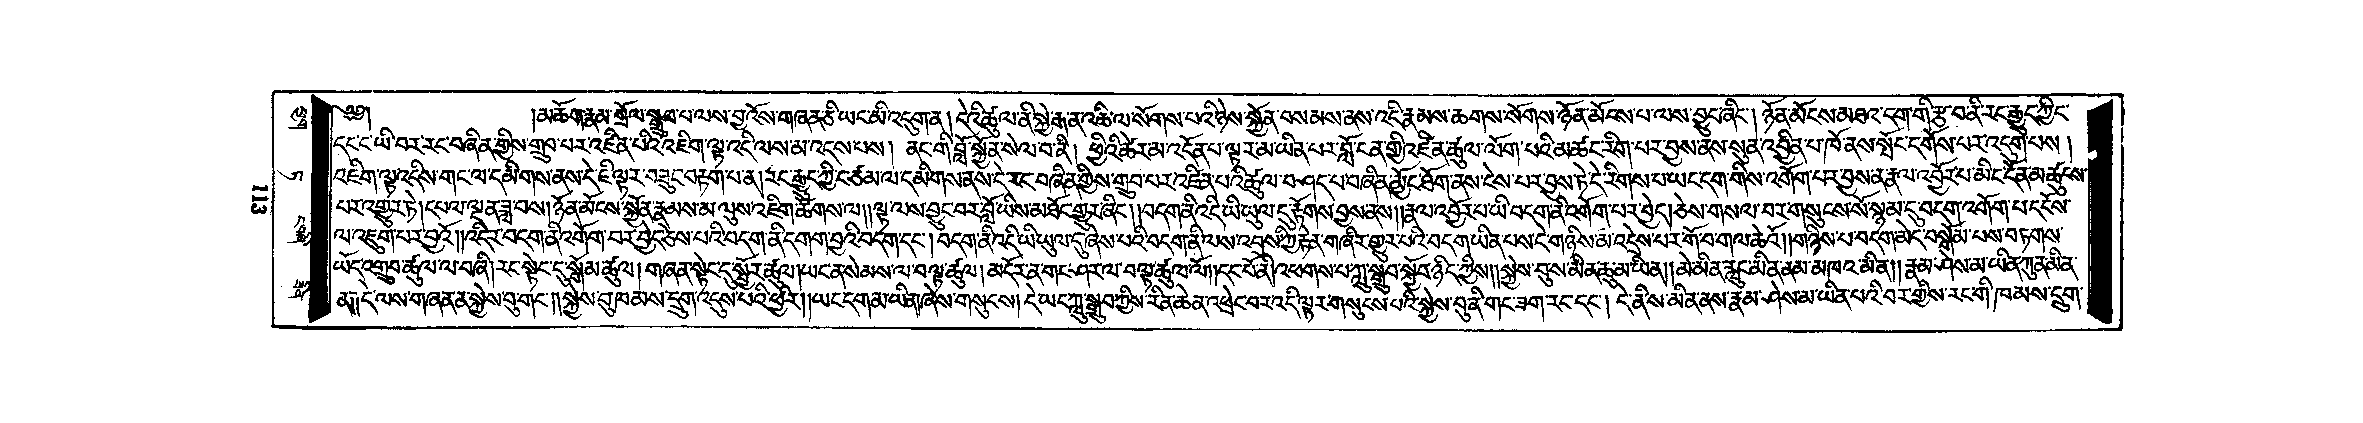༄༅། །མཆོག་རྣམ་གྲོལ་སྒྲུབ་པ་ལས་བྱ་འོས་གཞན་ཅི་ཡང་མི་འདུག་ན། དེའི་ཚུལ་ནི་སྐྱེ་རྒ་ན་འཆི་ལ་སོགས་པའི་ཉེས་སྐྱོན་བསམས་ནས་འདི་རྣམས་ཆགས་སོགས་ཉོན་མོངས་པ་ལས་བྱུང་ཞིང་། ཉོན་མོངས་མཐའ་དག་གི་རྩ་བ་ནི་རང་རྒྱུད་ཀྱི་ང་
དང་ང་ཡི་བར་རང་བཞིན་གྱིས་གྲུབ་པར་འཛིན་པའི་འཇིག་ལྟ་འདི་ལས་མ་འདས་པས། ནང་གི་བློ་སྐྱོན་སེལ་བ་ནི། ཕྱིའི་ཚེར་མ་འདོན་པ་ལྟར་མ་ཡིན་པར་བློ་ངན་གྱི་འཛིན་ཚུལ་ལོག་པའི་མཚང་རིག་པར་བྱས་ནས་སུན་འབྱིན་པ་ཁོ་ནས་སྤོང་དགོས་པར་འདུག་པས།
འཇིག་ལྟ་འདིས་གང་ལ་དམིགས་ནས་དེ་ཇི་ལྟར་བཟུང་བརྟག་པ་ན། རང་རྒྱུད་ཀྱི་ང་ཙམ་ལ་དམིགས་ནས་དེ་རང་བཞིན་གྱིས་གྲུབ་པར་འཛིན་པའི་ཚུལ་བཤད་པ་བཞིན་མྱོང་ཐོག་ནས་ངེས་པར་བྱས་ཏེ་དེ་རིགས་པ་ཡང་དག་གིས་འགོག་པར་བྱས་ན་རྣལ་འབྱོར་པ་མིང་དོན་མཚུངས་
པར་འགྱུར་ཏེ། དཔལ་ལྡན་ཟླ་བས། ཉོན་མོངས་སྐྱོན་རྣམས་མ་ལུས་འཇིག་ཚོགས་ལ། །ལྟ་ལས་བྱུང་བར་བློ་ཡིས་མཐོང་གྱུར་ཞིང་། །བདག་ནི་འདི་ཡི་ཡུལ་དུ་རྟོགས་བྱས་ནས། །རྣལ་འབྱོར་པ་ཡི་བདག་ནི་འགོག་པར་བྱེད། ཅེས་གསལ་བར་གསུངས་སོ་སྙམ་དུ་བདག་འགོག་པ་དངོས་
ལ་འཇུག་པར་བྱའོ། །འདིར་བདག་ནི་འགོག་བར་བྱེད་ཅེས་པའི་བདག་ནི་དགག་བྱའི་བདག་དང་། བདག་ནི་འདི་ཡི་ཡུལ་དུ་ཞེས་པའི་བདག་ནི་ལས་འབྲས་ཀྱི་རྟེན་གཞིར་གྱུར་པའི་བདག་ཡིན་པས་དེ་གཉིས་མ་འདྲེས་པར་གོ་བ་གལ་ཆེའོ། །གཉིས་པ་བདག་མེད་བསྒོམ་པས་བཏགས་
ཡོད་འགྲུབ་ཚུལ་ལ་བཞི། རང་སྟེང་དུ་སྒོམ་ཚུལ། གཞན་སྟེང་དུ་སྦྱོར་ཚུལ། ཡང་ན་སེམས་ལ་བལྟ་ཚུལ། མདོར་ན་གང་ཤར་ལ་བལྟ་ཚུལ་ལོ། །དང་པོ་ནི། འཕགས་པ་ཀླུ་སྒྲུབ་སྐྱོབ་ཉིད་ཀྱིས། །སྐྱེས་བུ་ས་མིན་ཆུ་མ་ཡིན། །མེ་མིན་རླུང་མིན་ནམ་མཁའ་མིན། །རྣམ་ཤེས་མ་ཡིན་ཀུན་མིན་
ན། དེ་ལས་གཞན་ན་སྐྱེས་བུ་གང་། །སྐྱེས་བུ་ཁམས་དྲུག་འདུས་པའི་ཕྱིར། །ཡང་དག་མ་ཡིན། ཞེས་གསུངས། དེ་ཡང་ཀླུ་སྒྲུབ་ཀྱིས་རིན་ཆེན་འཕྲེང་བར་འདི་ལྟར་གསུངས་པའི་སྐྱེས་བུ་ནི་གང་ཟག་རང་དང་། དེ་ནི་ས་མིན་ནས་རྣམ་ཤེས་མ་ཡིན་པའི་བར་གྱིས་རང་གི་ཁམས་དྲུག་